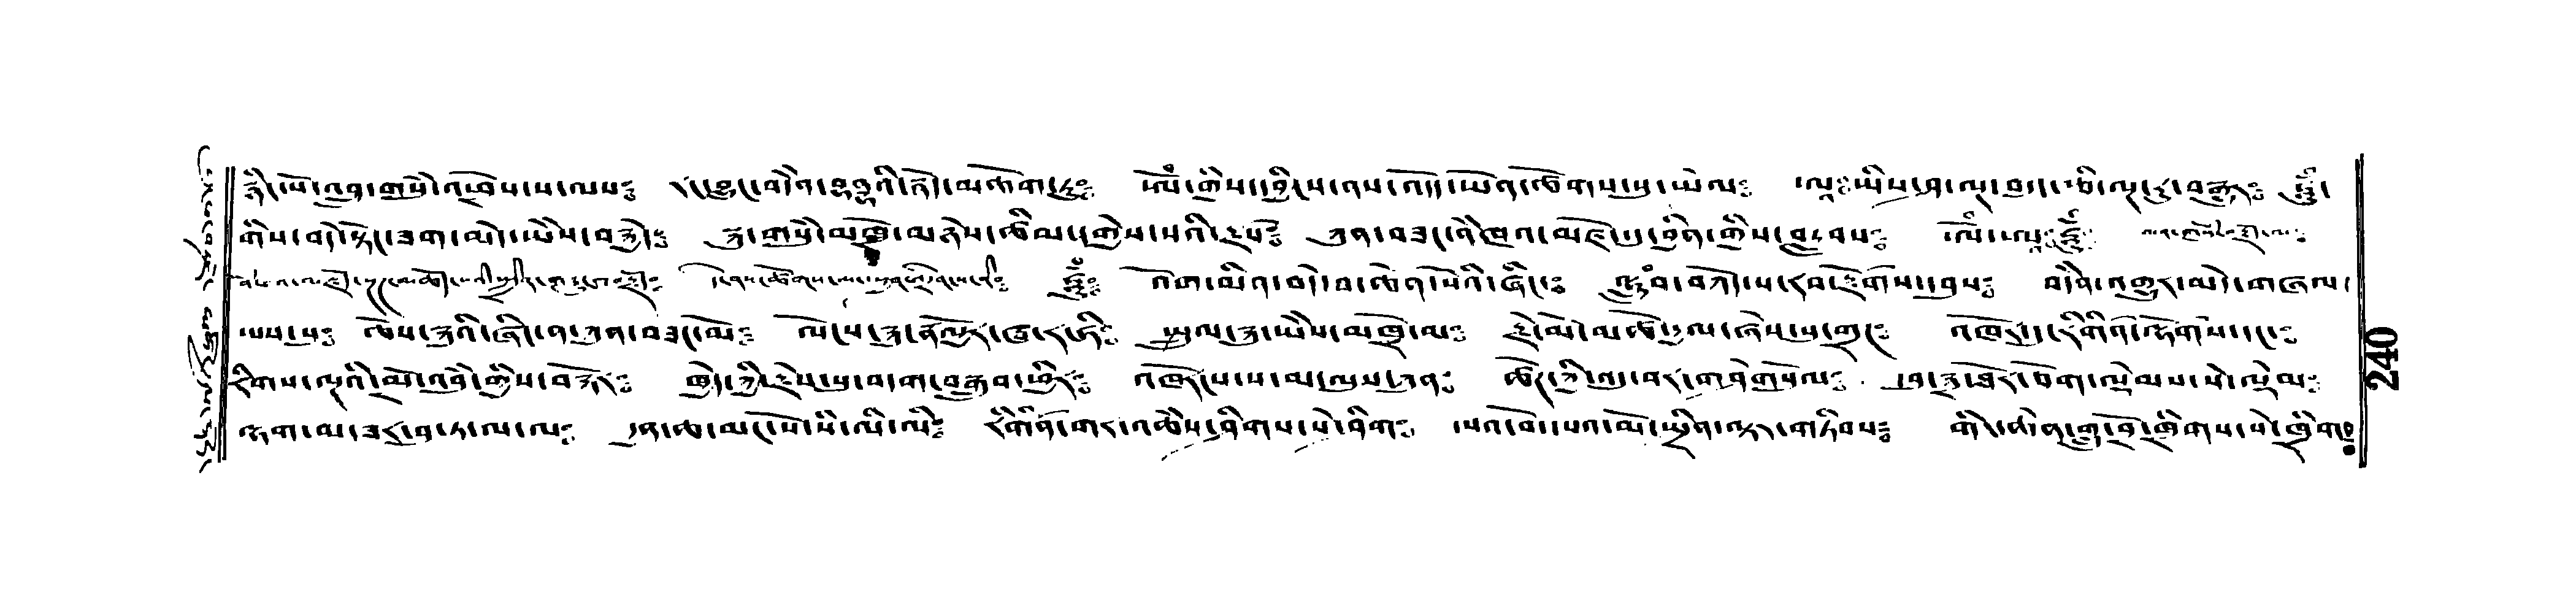སྙིང་པོ་འབྲུ་གསུམ་འཕྲོས་པ་ལས༔ རང་བྱུང་བདེ་ཆེན་བྷནྡྷའི་སྣོད་མཆོག་ཏུ༔ ཨོཾ་གྱིས་དབྱིངས་ནས་འདོད་ཡོན་ཚོགས་སུ་སྤེལ༔ ཨཱཿཡིས་ཤ་ལྔ་བདུད་རྩི་ལྔ་རུ་བསྒྱུར༔ ཧཱུྃ་
གིས་བདེ་སྟོང་ཟག་མེད་ཡེ་ཤེས་བསྐྱེད༔ སྐུ་གསུམ་མཁའ་འགྲོ་མཉེས་ཚིམ་དགྱེས་པའི་རྫས༔ ཀུན་བཟང་ནམ་མཁའ་མཛོད་དུ་བྱིན་གྱིས་བརླབས༔ ཨོཾ་ཨཱཿཧཱུྃ༔ ལན་གསུམ་བརྗོད་ལ༔ 
ནམ་མཁའ་མཛོད་སྔགས་མཆོད་པའི་སྤྲིན་གཟུངས་བརྗོད༔ དེ་ནས་ཚོགས་ལ་སྤྱན་འདྲེན་པ་ནི༔ ཧཱུྃ༔ འོག་མིན་བདེ་བ་ཆེན་པོའི་ཞིང༔ ལྷུན་གྲུབ་བཀོད་པ་རབ་རྫོགས་དབུས༔ བདེ་ཆེན་འགྱུར་མེད་གཞལ་
ཡས་སུ༔ ཆོས་སྐུའི་ཞིང་ན་ཀུན་བཟང་མོ༔ ལོངས་སྐུ་རྣལ་འབྱོར་ཝ་ར་ཧི༔ སྤྲུལ་སྐུ་ཡེ་ཤེས་མཁའ་འགྲོ་མ༔ རྗེ་མོ་མཚོ་རྒྱལ་ཞེས་སུ་གྲགས༔འཁོར་དུ་རིག་འཛིན་ལྷ་ཚོགས་དང༔ 
རིགས་ལྔའི་མཁའ་འགྲོ་འབུམ་གྱིས་བསྐོར༔ ཁྱེད་ཀྱི་རྗེས་སུ་བདག་བསྒྲུབ་ཕྱིར༔ འཁོར་དང་བཅས་པ་མ་ལུས་ཀུན༔ ཚོགས་ཀྱི་འདུ་བར་གཤེགས་སུ་གསོལ༔ དབུ་སྐྲ་ཐོར་ཅོག་ལྡེབས་སེ་ལྡེམ༔ 
ལྷག་མ་ཟར་བུ་ཏ་ལ་ལ༔ རྒྱན་ཆ་མང་པོ་སི་ལི་ལི༔ རིག་འཛིན་གར་འཆམས་ཤིགས་སེ་ཤིག༔ དཔའ་བོ་དཔའ་མོ་སྤྲིན་ལྟར་གཏིབས༔ གིང་ཆེན་གླུ་བྲོ་ཁྲིགས་སེ་ཁྲིག༔